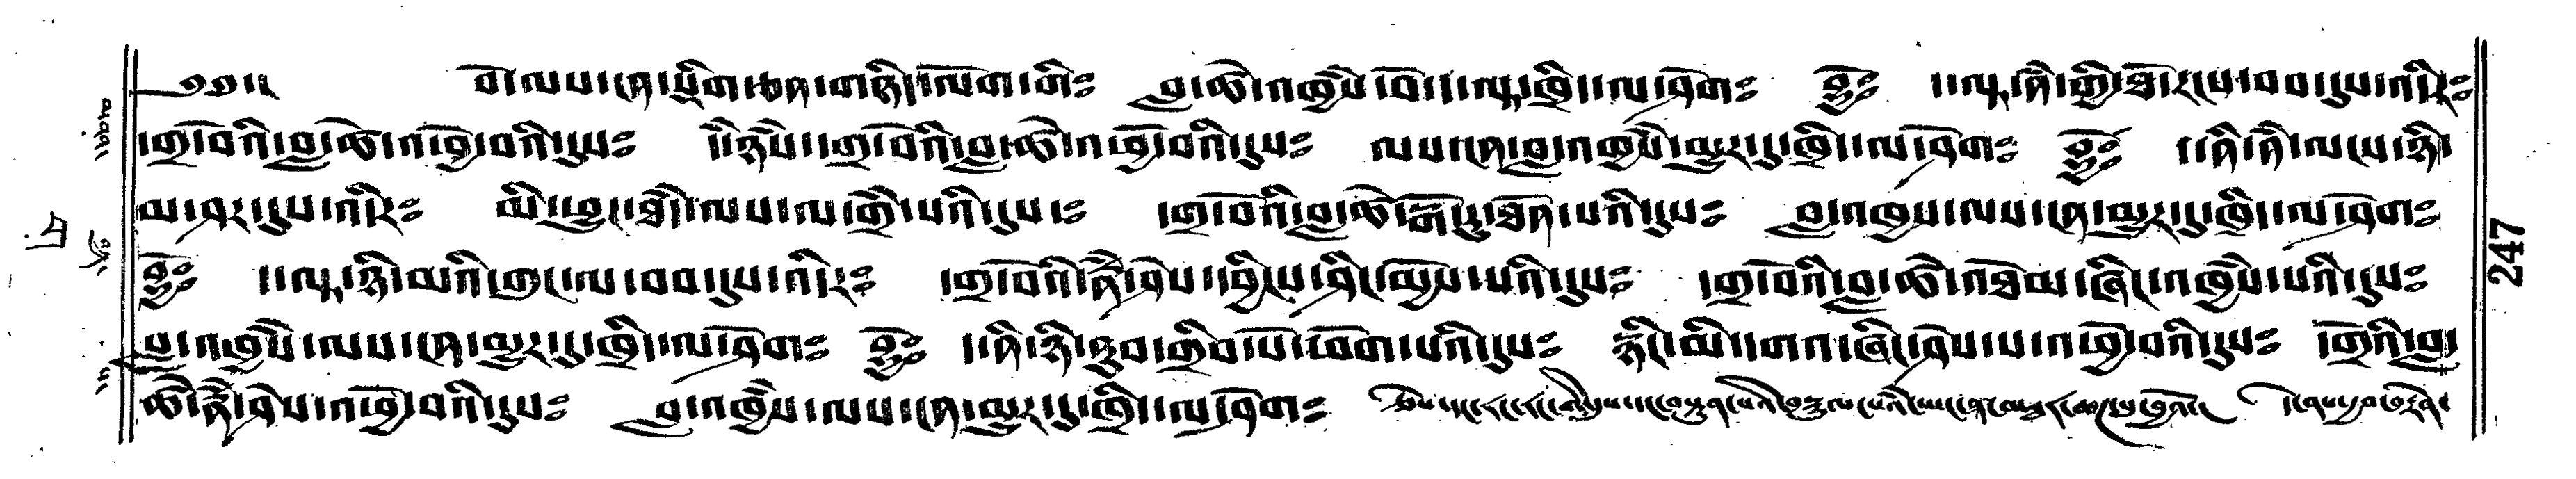བོ་ལས་ངན་སྡིག་ཅན་གཉིད་ལོག་གིཿ བླ་ཚེ་འཁྱམས་བོ་ད་ལྟ་ཁྲིད་ལ་ཤོགཿ བྷྱོཿ ད་ལྟ་ནམ་གྱི་ཐོ་རངས་བབ་དུས་འདིརཿ 
དམ་ཉམས་དགྲ་བོའི་བླ་ཚེ་འཕྱོ་བའི་དུསཿ ལས་ངན་བླ་འཁྱམས་མྱུར་དུ་ཁྲིད་ལ་ཤོགཿ བྷྱོཿ ད་ནི་ནམ་ལངས་ཉི་
མ་ཤར་དུས་འདིརཿ མི་ཕྱུགས་ཐམས་ཅད་ལས་ལ་གྲམ་པའི་དུསཿ དགྲ་བོའི་བླ་ཚེ་སྒོ་རུ་ཐོན་པའི་དུསཿ བླ་འཁྱམས་ལས་ངན་མྱུར་དུ་ཁྲིད་ལ་ཤོགཿ 
བྷྱོཿ ད་ལྟ་ཉི་མའི་གུང་ལ་བབ་དུས་འདིརཿ དགྲ་བོའི་རྣམ་ཤེས་བྱིངས་ཤིང་མྱོས་པའི་དུསཿ དགྲ་བོའི་བླ་ཚེ་འཐོམ་ཞིང་འཁྱམས་པའི་དུསཿ 
བླ་འཁྱམས་ལས་ངན་མྱུར་དུ་ཁྲིད་ལ་ཤོགཿ བྷྱོཿ ད་ནི་ཉི་ནུབ་གྲིབ་སོ་ཕོག་པའི་དུསཿ སྙིང་མི་དགའ་ཞིང་ཤེས་པ་འཕྱོ་བའི་དུསཿ དགྲ་བོའི་བླ་
ཚེ་རྣམ་ཤེས་འཕྱོ་བའི་དུསཿ བླ་འཁྱམས་ལས་ངན་མྱུར་དུ་ཁྲིད་ལ་ཤོགཿ ཅེས་དང་རང་རང་གི་དུས་དང་བསྟུན་པའི་བསྐུལ་པའམ་ཡང་ན་མཐར་ཆགས་སུ་བྱའོ། དེ་ནས་རྒྱབ་བརྟེན་